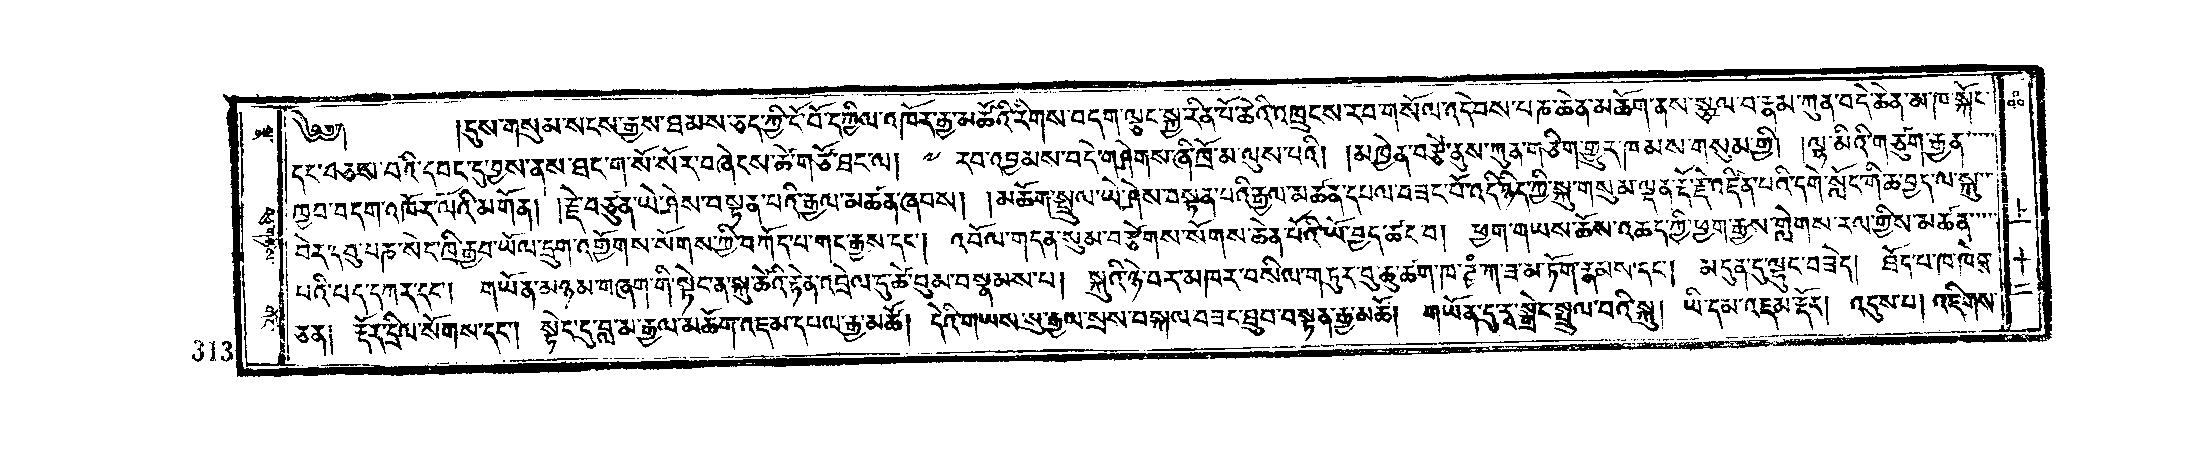༄༅། །དུས་གསུམ་སངས་རྒྱས་ཐམས་ཅད་ཀྱི་ངོ་བོ་དཀྱིལ་འཁོར་རྒྱ་མཚོའི་རིགས་བདག་ལྕང་སྐྱ་རིན་པོ་ཆེའི་འཁྲུངས་རབ་གསོལ་འདེབས་པཎ་ཆེན་མཆོག་ནས་སྩལ་བ་རྣམ་ཀུན་བདེ་ཆེན་མ་ཁ་སྐོང་
དང་བཅས་པའི་དབང་དུ་བྱས་ནས་ཐང་ག་སོ་སོར་བཞེངས་ཚེ་གཙོ་ཐང་ལ། ༧་རབ་འབྱམས་བདེ་གཤེགས་ཞི་ཁྲོ་མ་ལུས་པའི། །མཁྱེན་བརྩེ་ནུས་ཀུན་གཅིག་གྱུར་ཁམས་གསུམ་གྱི། །ལྷ་མིའི་གཙུག་རྒྱན་
ཁྱབ་བདག་འཁོར་ལོའི་མགོན། །རྗེ་བཙུན་ཡེ་ཤེས་བསྟན་པའི་རྒྱལ་མཚན་ཞབས། །མཆོག་སྤྲུལ་ཡེ་ཤེས་བསྟན་པའི་རྒྱལ་མཚན་དཔལ་བཟང་པོ་འདི་ཉིད་ཀྱི་སྐུ་གསུམ་ལྡན་རྡོ་རྗེ་འཛིན་པའི་དགེ་སློང་གི་ཆ་བྱད་ལ་སྐུ་
བེར་དབུ་པཎ་སེང་ཁྲི་རྒྱབ་ཡོལ་དྲུག་འགྱོགས་སོགས་ཀྱི་བཀོད་པ་གང་རྒྱས་དང་། འབོལ་གདན་སུམ་བརྩེགས་སོགས་ཆེན་པོའི་ཡོ་བྱད་ཚང་བ། ཕྱག་གཡས་ཆོས་འཆད་ཀྱི་ཕྱག་རྒྱས་གླེགས་རལ་གྱིས་མཚན་
པའི་པད་དཀར་དང་། གཡོན་མཉམ་གཞག་གི་སྟེང་ན་སྐུ་ཚེའི་རྟེན་འབྲེལ་དུ་ཚེ་བུམ་བསྣམས་པ། སྐུའི་ཉེ་བར་མཁར་བསིལ་གཏུར་བུ་ཆུ་ཚག་ཁ་ཌྭཾ་ཀ་ཟ་མ་ཏོག་རྣམས་དང་། མདུན་དུ་ལྷུང་བཟེད། ཐོད་པ་ཁ་ཁེབས་
ཅན། རྡོར་དྲིལ་སོགས་དང་། སྟེང་དུ་བླ་མ་རྒྱལ་མཆོག་འཇམ་དཔལ་རྒྱ་མཚོ། དེའི་གཡས་སུ་རྒྱལ་སྲས་བསྐལ་བཟང་ཐུབ་བསྟན་རྒྱ་མཚོ། གཡོན་དུ་རྭ་སྒྲེང་སྤྲུལ་བའི་སྐུ། ཡི་དམ་འཇམ་རྡོར། འདུས་པ། འཇིགས་